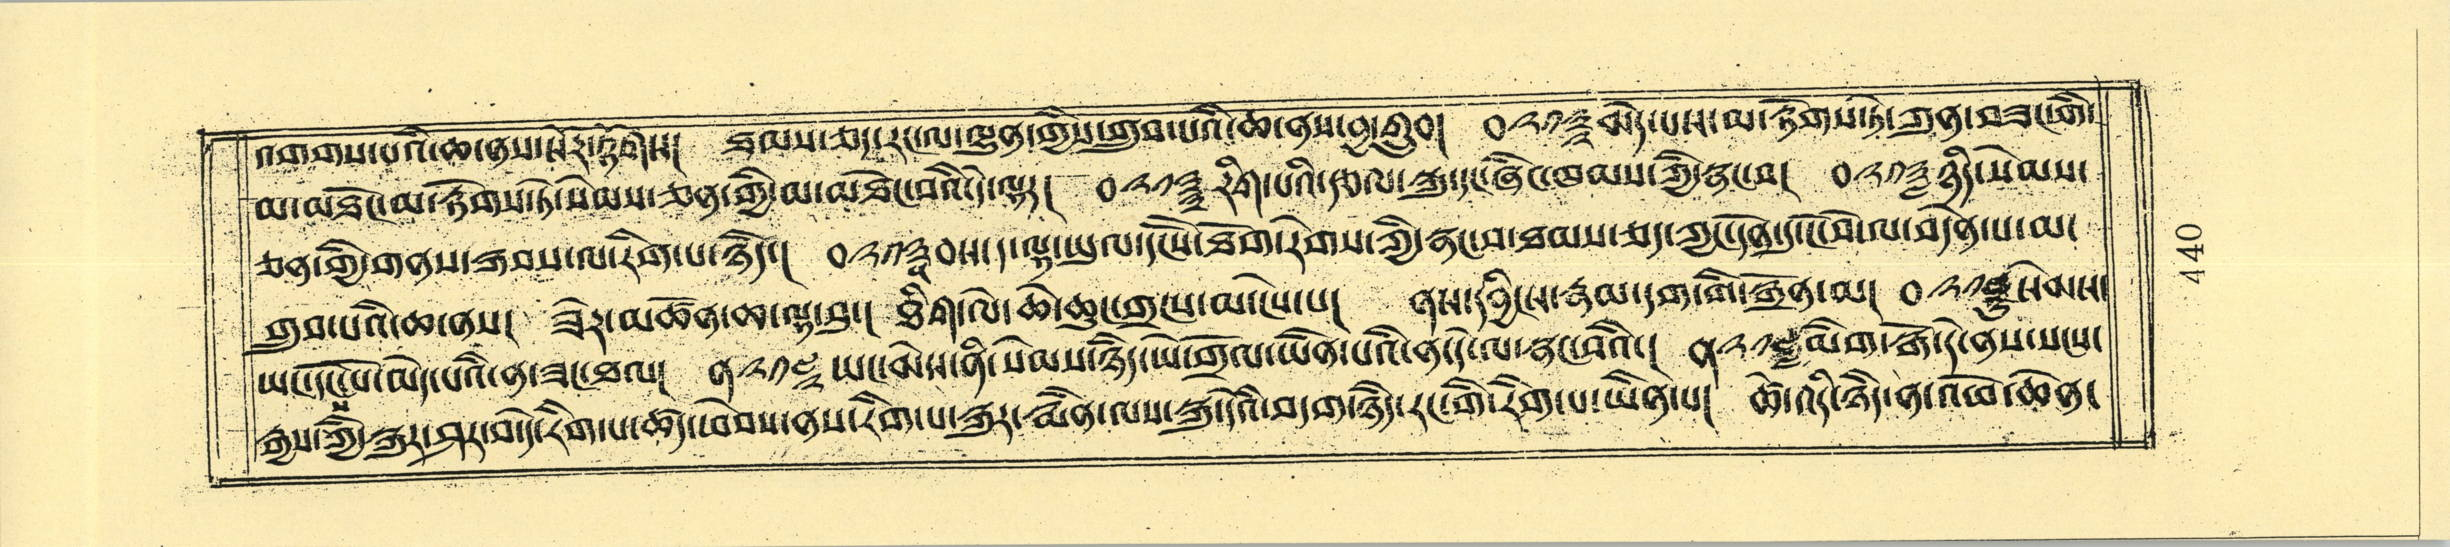འགག་པའི་ཆ་ནས་སོར་རྟོག ཐམས་ཅད་རང་ལ་ལྷུན་གྱིས་གྲུབ་པའི་ཆ་ནས་བྱ་གྲུབ་བ༢༡༣།༢༼མེད་པས༽མ་རྟོགས་ཏེ། ཀུན་བཟང་གིས་
མ་མཐོང་མ་རྟོགས་ཏེ་སེམས་ཅན་གྱིས་མ་མཐོང་བའི་དེ་ལྟར་བ༢༡༣།༣༼རིག་པའི་རྩལ༽སྐུ་དང་ཞིང་ཁམས་ཀྱི་སྣང་བ་ ༢༡༣།༤༼ཉིད༽སེམས་
ཅན་གྱི་གནས་སྐབས་ལ་རིག་པ་ཉིད་བ༢༡༣།༥༼བས༽ད་ལྟ་ཡུལ་དངོས་པོ་ཐོག་རེག་གི་སྣང་བ་ཐམས་ཅད་ཀྱང་དོན་དུ་ངོ་བོ་ལ་བདེན་པར་མ་
གྲུབ་པའི་ཆ་ནས་༼ཟེར༽མཚོན་ཆ་ལྟ་བུ་༼ཐིག་ལེ༽ཆེ་ཆུང་གྲངས་མ་ངེས་པ་༼ནས༽དབྱིངས་རྣམ་དག་གི་སྒྲོན་མ་བ༢༡༣།༦༼སེམས༽
ཡང་དངོས་པོ་མེད་པས་ན་ཟང་ཐལ་ན༢༡༤།༢ ༼ཡང་མེས་ནི༽སེམས་ཉིད་ཡེ་གྲོལ་ཡིན་པས་ན་དེ་ལ་སྣང་བའི་ན༢༡༤།༤མིག་སྒོ་དེ་ནས་སངས་
རྒྱས་ཀྱི་སྐུར་ཤར་བ་དེ་ལ་རིག་པ་ཚད་ཕེབས་ནས་རིག་པ་སྐུར་སྨིན་ལས་སྐུ་དེའི་བདག་ཉིད་རང་གི་རིག་པ་ཡིན་པ།༼ཚེ༽འདི་ཉིད་ན་འཕོ་ཆེན་